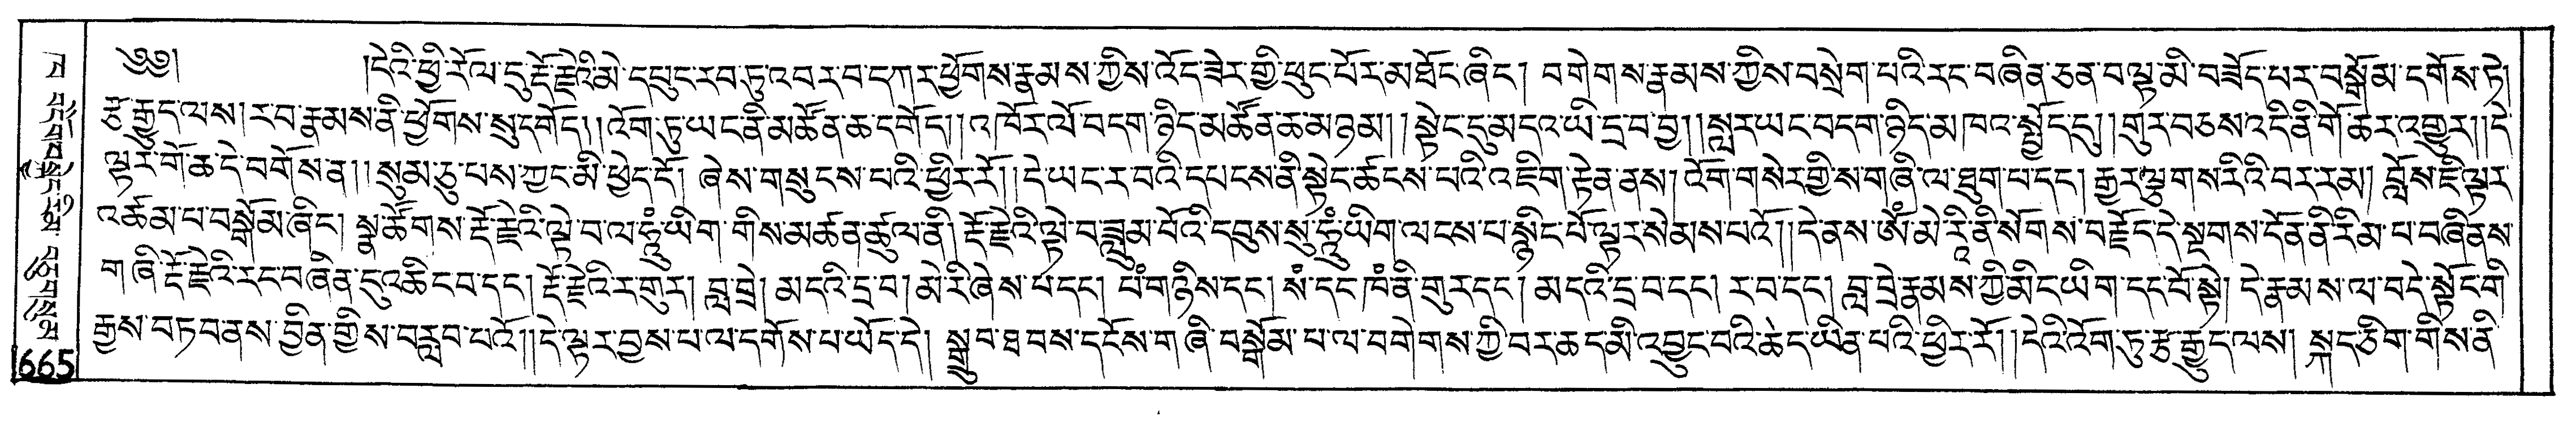༄༅། །དེའི་ཕྱི་རོལ་དུ་རྡོ་རྗེའི་མེ་དཔུང་རབ་ཏུ་འབར་བ་དཀར་ཕྱོགས་རྣམས་ཀྱིས་འོད་ཟེར་གྱི་ཕུང་པོར་མཐོང་ཞིང་། བགེགས་རྣམས་ཀྱིས་བསྲེག་པའི་རང་བཞིན་ཅན་བལྟ་མི་བཟོད་པར་བསྒོམ་དགོས་ཏེ།
རྩ་རྒྱུད་ལས། ར་བ་རྣམས་ནི་ཕྱོགས་སུ་དགོད། །འོག་ཏུ་ཡང་ནི་མཚོན་ཆ་དགོད། །འཁོར་ལོ་བདག་ཉིད་མཚོན་ཆ་མཉམ། །སྟེང་དུ་མདའ་ཡི་དྲ་བ་བྱ། །སླར་ཡང་བདག་ཉིད་མཁའ་སྤྱོད་དུ། །གུར་བཅས་འདི་ནི་གོ་ཆར་འགྱུར། །དེ་
ལྟར་གོ་ཆ་དེ་བགོས་ན། །སུམ་ཅུ་པས་ཀྱང་མི་ཕྱེད་དོ། ཞེས་གསུངས་པའི་ཕྱིར་རོ། །དེ་ཡང་ར་བའི་དཔངས་ནི་སྟེང་ཚངས་པའི་འཇིག་རྟེན་ནས། འོག་གསེར་གྱི་ས་གཞི་ལ་ཐུག་པ་དང་། རྒྱར་ལྕགས་རིའི་བར་རམ། བློས་ཇི་ལྟར་
འཚམས་པ་བསྒོམ་ཞིང་། སྣ་ཚོགས་རྡོ་རྗེའི་ལྟེ་བ་ལ་ཧཱུཾ་ཡིག་གིས་མཚན་ཚུལ་ནི། རྡོ་རྗེའི་ལྟེ་བ་ཟླུམ་པོའི་དབུས་སུ་ཧཱུཾ་ཡིག་ལངས་པ་སྙིང་པོ་ལྟར་སེམས་པའོ། །དེ་ནས་ཨོཾ་མེ་རཱི་ནི་སོགས་བརྗོད་དེ་སྔགས་དོན་ནི་རིམ་པ་བཞི་ནས་
གཞི་རྡོ་རྗེའི་རང་བཞིན་དུ་འཆིང་བ་དང་། རྡོ་རྗེའི་ར་གུར། བླ་བྲེ། མདའི་དྲ་བ། མེ་རི་ཞེས་པ་དང་། པཾ་གཉིས་དང་། སཾ་དང་ཁཾ་ནི་གུར་དང་། མདའི་དྲ་བ་དང་། ར་བ་དང་། བླ་བྲེ་རྣམས་ཀྱི་མིང་ཡིག་དང་པོ་སྟེ། དེ་རྣམས་ལ་བདེ་སྟོང་གི་
རྒྱས་བཏབ་ནས་བྱིན་གྱིས་བརླབ་པའོ། །དེ་ལྟར་བྱས་པ་ལ་དགོས་པ་ཡོད་དེ། སྒྲུབ་ཐབས་དངོས་གཞི་བསྒོམ་པ་ལ་བགེགས་ཀྱི་བར་ཆད་མི་འབྱུང་བའི་ཆེད་ཡིན་པའི་ཕྱིར་རོ། །དེའི་འོག་ཏུ་རྩ་རྒྱུད་ལས། སྐད་ཅིག་གིས་ནི་